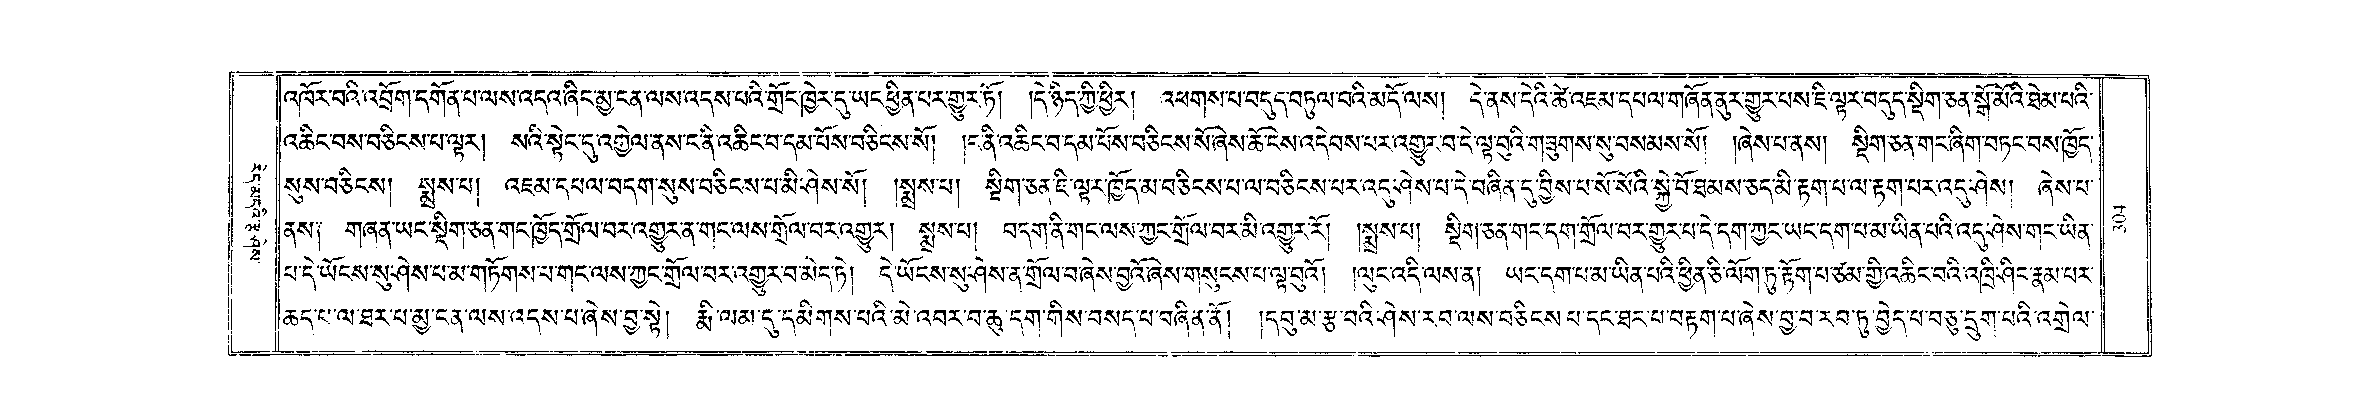འཁོར་བའི་འབྲོག་དགོན་པ་ལས་འདའ་ཞིང་མྱ་ངན་ལས་འདས་པའི་གྲོང་ཁྱེར་དུ་ཡང་ཕྱིན་པར་གྱུར་ཏོ། །དེ་ཉིད་ཀྱི་ཕྱིར། འཕགས་པ་བདུད་བཏུལ་བའི་མདོ་ལས། དེ་ནས་དེའི་ཚེ་འཇམ་དཔལ་གཞོན་ནུར་གྱུར་པས་ཇི་ལྟར་བདུད་སྡིག་ཅན་སྒོ་མོའི་ཐེམ་པའི་
འཆིང་བས་བཅིངས་པ་ལྟར། སའི་སྟེང་དུ་འགྱེལ་ནས་ང་ནི་འཆིང་བ་དམ་པོས་བཅིངས་སོ། །ང་ནི་འཆིང་བ་དམ་པོས་བཅིངས་སོ་ཞེས་ཆོ་ངེས་འདེབས་པར་འགྱུར་བ་དེ་ལྟ་བུའི་གཟུགས་སུ་བསམས་སོ། །ཞེས་པ་ནས། སྡིག་ཅན་གང་ཞིག་བཏང་བས་ཁྱོད་
སུས་བཅིངས། སྨྲས་པ། འཇམ་དཔལ་བདག་སུས་བཅིངས་པ་མི་ཤེས་སོ། །སྨྲས་པ། སྡིག་ཅན་ཇི་ལྟར་ཁྱོད་མ་བཅིངས་པ་ལ་བཅིངས་པར་འདུ་ཤེས་པ་དེ་བཞིན་དུ་བྱིས་པ་སོ་སོའི་སྐྱེ་བོ་ཐམས་ཅད་མི་རྟག་པ་ལ་རྟག་པར་འདུ་ཤེས། ཞེས་པ་
ནས༑ གཞན་ཡང་སྡིག་ཅན་གང་ཁྱོད་གྲོལ་བར་འགྱུར་ན་གང་ལས་གྲོལ་བར་འགྱུར། སྨྲས་པ། བདག་ནི་གང་ལས་ཀྱང་གྲོལ་བར་མི་འགྱུར་རོ། །སྨྲས་པ། སྡིག་ཅན་གང་དག་གྲོལ་བར་གྱུར་པ་དེ་དག་ཀྱང་ཡང་དག་པ་མ་ཡིན་པའི་འདུ་ཤེས་གང་ཡིན་
པ་དེ་ཡོངས་སུ་ཤེས་པ་མ་གཏོགས་པ་གང་ལས་ཀྱང་གྲོལ་བར་འགྱུར་བ་མེད་ཏེ། དེ་ཡོངས་སུ་ཤེས་ན་གྲོལ་བ་ཞེས་བྱའོ་ཞེས་གསུངས་པ་ལྟ་བུའོ། །ལུང་འདི་ལས་ན། ཡང་དག་པ་མ་ཡིན་པའི་ཕྱིན་ཅི་ལོག་ཏུ་རྟོག་པ་ཙམ་གྱི་འཆིང་བའི་འཁྲི་ཤིང་རྣམ་པར་
ཆད་པ་ལ་ཐར་པ་མྱ་ངན་ལས་འདས་པ་ཞེས་བྱ་སྟེ། རྨི་ལམ་དུ་དམིགས་པའི་མེ་འབར་བ་ཆུ་དག་གིས་བསད་པ་བཞིན་ནོ། །དབུ་མ་རྩ་བའི་ཤེས་རབ་ལས་བཅིངས་པ་དང་ཐར་པ་བརྟག་པ་ཞེས་བྱ་བ་རབ་ཏུ་བྱེད་པ་བཅུ་དྲུག་པའི་འགྲེལ་